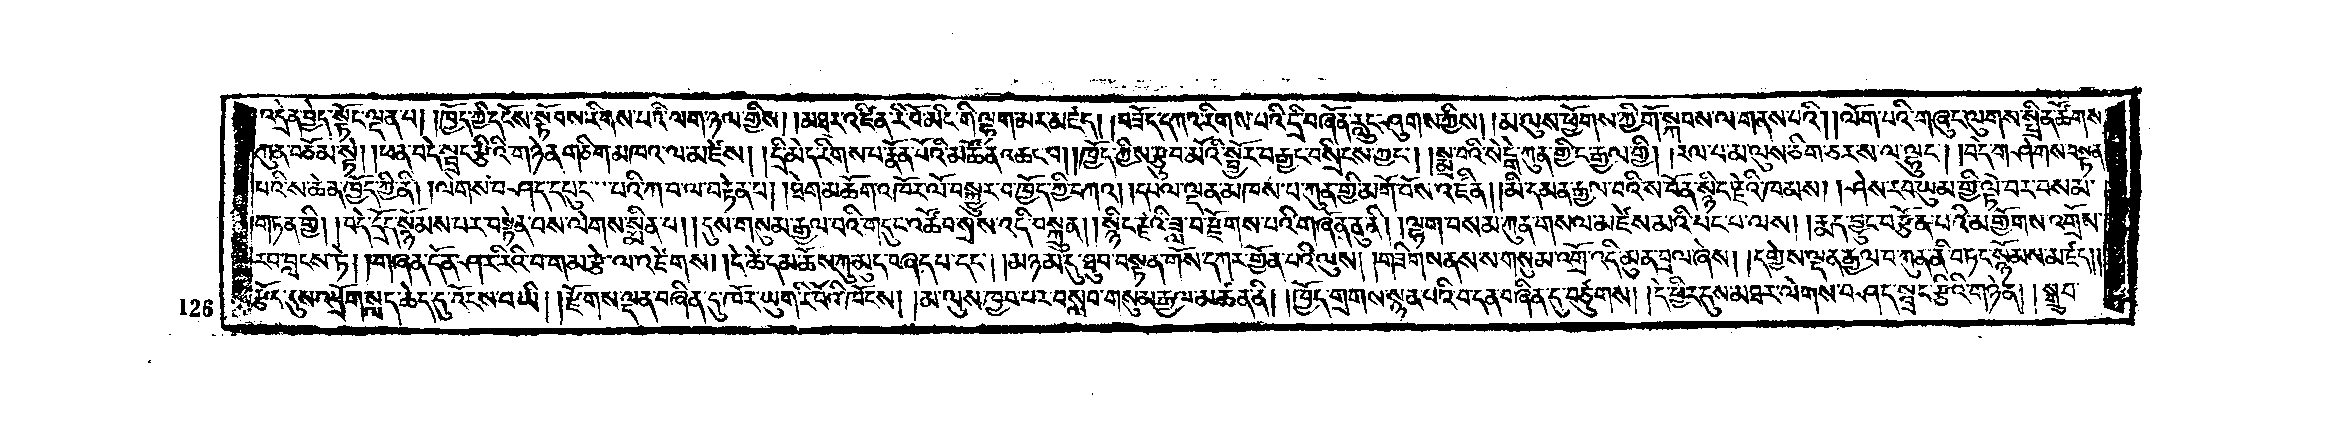འདྲེན་བྱེད་སྟོང་ལྡན་པ། །ཁྱོད་ཀྱི་དངོས་སྟོབས་རིགས་པའི་ལག་ཉལ་གྱིས། །མཐར་འཛིན་རི་བོ་མིང་གི་ལྷག་མར་མཛད། །བཟོད་དཀའ་རིགས་པའི་དྲི་བཞོན་རླུང་ཤུགས་ཀྱིས། །མ་ལུས་ཕྱོགས་ཀྱི་གོ་སྐབས་ལ་གནས་པའི། །ལོག་པའི་གཞུང་ལུགས་སྤྲིན་ཚོགས་
ཀུན་བཅོམ་སྟེ། །ཕན་བདེ་སྦྲང་རྩིའི་གཉེན་གཅིག་མཁའ་ལ་མཛེས། །དྲི་མེད་རིགས་པ་རྣོན་པོའི་མཚོན་འཆང་བ། །ཁྱོད་ཀྱིས་རྩུབ་མོའི་སྦྱོར་བརྒྱང་བསྲིངས་ཀྱང་། །སྨྲ་བའི་སེངྒེ་ཀུན་གྱི་ང་རྒྱལ་གྱི། །རལ་པ་མ་ལུས་ཅིག་ཅར་ས་ལ་ལྷུང་། །བདེ་གཤེགས་བསྟན་
པའི་ས་ཆེན་ཁྱོད་ཀྱི་ནི། །ལེགས་བཤད་དཔུང་པའི་ཀ་བ་ལ་བརྟེན་པ། །ཐེག་མཆོག་འཁོར་ལོ་བསྒྱུར་བ་ཁྱོད་ཀྱི་བཀའ། །དཔལ་ལྡན་མཁས་པ་ཀུན་གྱི་མགོ་བོས་འཛིན། །མི་དམན་རྒྱལ་བའི་ས་བོན་སྙིང་རྗེའི་ཁམས། །ཤེས་རབ་ཡུམ་གྱི་ལྟེ་བར་བསམ་
གཏན་གྱི། །བདེ་དྲོད་སྙོམས་པར་བསྟེན་བས་ལེགས་སྨིན་པ། །དུས་གསུམ་རྒྱལ་བའི་གདུང་འཚོབ་སྲས་འདི་བསྐྲུན། །སྙིང་རྗེའི་ཟླ་བ་རྫོགས་པའི་གཞོན་ནུ་ནི། །ལྷག་བསམ་ཀུན་གསལ་མཛེས་མའི་པང་པ་ལས། །རྨད་བྱུང་བརྩོན་པའི་མགྱོགས་འགྲོས་
རབ་བླངས་ཏེ། །གཞན་དོན་ཤར་རིའི་བ་གམ་རྩེ་ལ་འཛེགས། །དེ་ཚེ་དམ་ཆོས་ཀུ་མུད་བཞད་པ་དང་། །མཉམ་དུ་ཐུབ་བསྟན་གོས་དཀར་གྱོན་པའི་ལུས། །གཟིགས་ནས་ས་གསུམ་འགྲོ་འདི་མུན་བྲལ་ཞེས། །དགྱེས་ལྡན་རྒྱལ་བ་ཀུན་ནི་བཏང་སྙོམས་མཛད། །
རྩོད་དུས་འཕྲོག་སླད་ཆེད་དུ་འོངས་པ་ཡི། །རྫོགས་ལྡན་བཞིན་དུ་ཁོར་ཡུག་རི་བོའི་ཁོངས། །མ་ལུས་ཁྱབ་པར་བསླབ་གསུམ་རྒྱལ་མཚན་ནི། །ཁྱོད་གྲགས་སྙན་པའི་བ་དན་བཞིན་དུ་བཙུགས། །དེ་ཕྱིར་དུས་མཐར་ལེགས་བཤད་སྦྲང་རྩིའི་གཉེན། །སྒྲུབ་